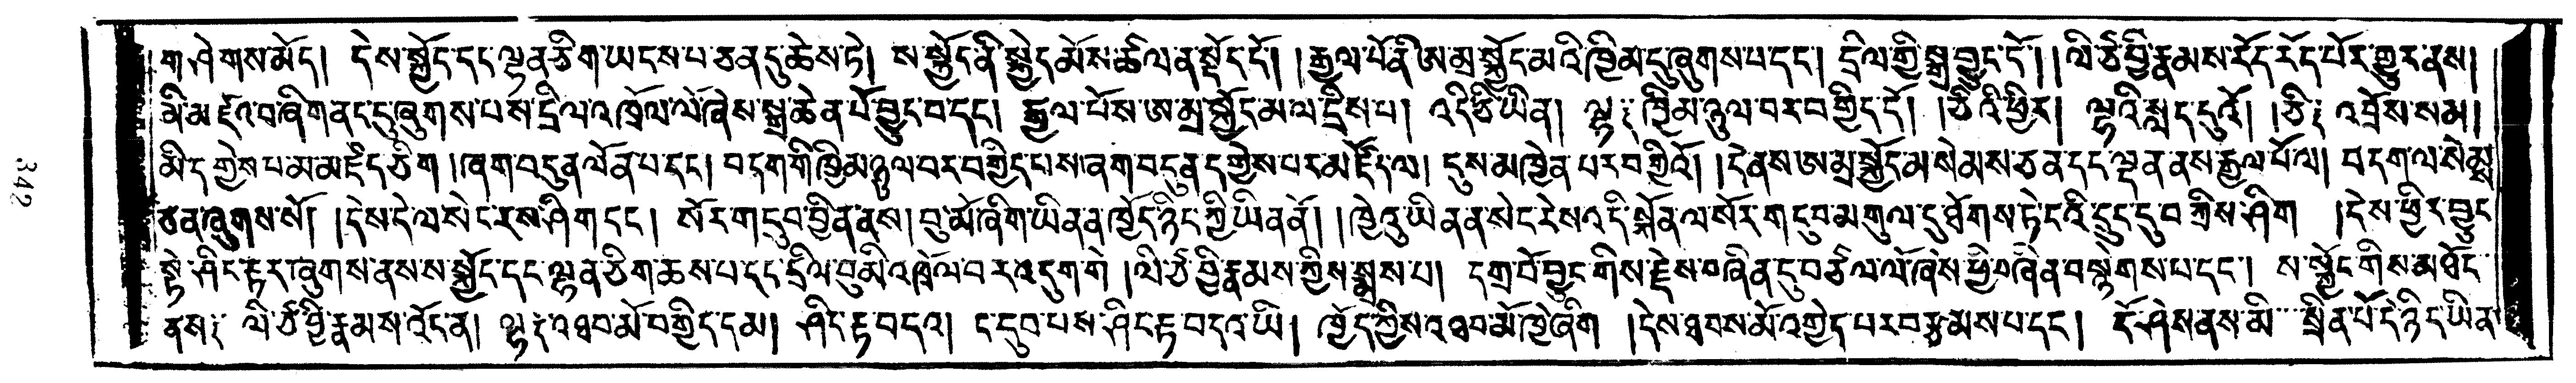གཤེགས་མོད། དེས་སྐྱོད་དང་ལྷན་ཅིག་ཡངས་པ་ཅན་དུ་ཆེས་ཏེ། ས་སྐྱོང་ནི་སྐྱེད་མོས་ཚལ་ན་སྡོད་དོ། །རྒྱལ་པོ་ནི་ཨ་མྲ་སྐྱོང་མའི་ཁྱིམ་དུ་ཞུགས་པ་དང་། དྲིལ་གྱི་སྒྲ་བྱུང་ངོ། །ལི་ཙ་བྱི་རྣམས་རོད་རོད་པོར་གྱུར་ནས།
མི་མཛའ་བ་ཞིག་ནང་དུ་ཞུགས་པས་དྲིལ་འཁྲོལ་ལོ་ཞེས་སྒྲ་ཆེན་པོ་བྱུང་བ་དང་། རྒྱལ་པོས་ཨ་མྲ་སྐྱོང་མ་ལ་དྲིས་པ། འདི་ཅི་ཡིན། ལྷ༑ ཁྱིམ་ཉུལ་བར་བགྱིད་དོ། །ཅིའི་ཕྱིར། ལྷའི་སླད་དུའོ། །ཅི༑ འབྲོས་སམ།
མི་དགྱེས་པ་མ་མཛད་ཅིག །ཞག་བདུན་ལོན་པ་དང་། བདག་གི་ཁྱིམ་ཉུལ་བར་བགྱིད་པས་ཞག་བདུན་དགྱེས་པར་མཛོད་ལ། དུས་མཁྱེན་པར་བགྱིའོ། །དེ་ནས་ཨ་མྲ་སྐྱོང་མ་སེམས་ཅན་དང་ལྡན་ནས་རྒྱལ་པོ་ལ། བདག་ལ་སེམས་
ཅན་ཞུགས་སོ། །དེས་དེ་ལ་སེང་རས་ཤིག་དང་། སོར་གདུབ་བྱིན་ནས། བུ་མོ་ཞིག་ཡིན་ན་ཁྱོད་ཉིང་ཀྱི་ཡིན་ནོ། །ཁྱེའུ་ཡིན་ན་སེང་རེས་འདི་སྐོན་ལ་སོར་གདུབ་མགུལ་དུ་ཐོགས་ཏེ་ངའི་དྲུང་དུ་བཀྲིས་ཤིག །དེས་ཕྱིར་བྱུང་
སྟེ་ཤིང་རྟར་ཞུགས་ནས་ས་སྐྱོང་དང་ལྷན་ཅིག་ཆས་པ་དང་དྲིལ་བུ་མི་འཁྲོལ་བར་འདུག་གེ །ལི་ཙ་བྱི་རྣམས་ཀྱིས་སྨྲས་པ། དགྲ་བོ་བྱུང་གིས་རྗེས་བཞིན་དུ་བཙལ་ལོ་ཞེས་ཕྱི་བཞིན་བསྙེགས་པ་དང་། ས་སྐྱོང་གིས་མཐོང་
ནས༑ ལི་ཙ་བྱི་རྣམས་འོང་ན། ལྷ༑ འཐབ་མོ་བགྱིད་དམ། ཤིང་རྟ་བདའ། ང་དུབ་པས་ཤིང་རྟ་བདའ་ཡི། ཁྱོད་ཀྱིས་འཐབ་མོ་ཁྱེ་ཞིག །དེས་ཐབས་མོ་འགྱེད་པར་བརྩམས་པ་དང་། ངོ་ཤེས་ནས་མི་སྲིན་པོ་དེ་ཉིད་ཡིན་